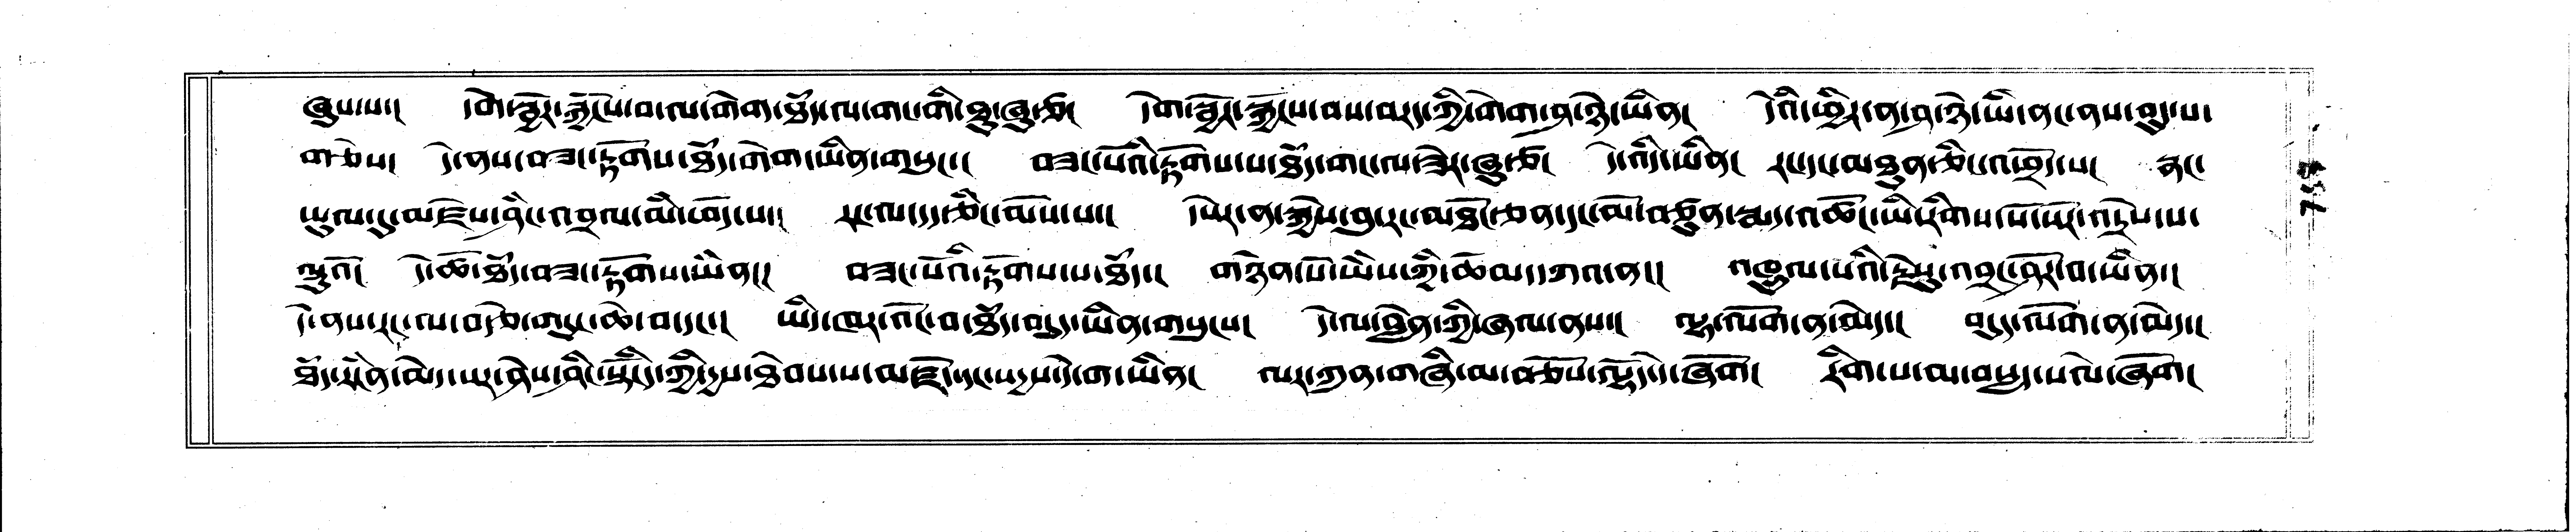ཞུས་པ། དགེ་སྦྱོར་སྐྱོང་བ་ལ་གེགས་ཐམས་ཅད་ལས་གང་གིས་ཐུ་ཞུས་ཙ། དགེ་སྦྱོར་སྐྱོང་བའི་བར་ཆད་ཀྱི་གེགས་ཤ་ཉེ་ཡིན། དེའི་ཕྱིར་ན་ཤ་ཉེ་ཡི་ནང་ནས་བུད་པ་
གཅེས། དེ་ནས་བཟང་རྟོག་ཐམས་ཅད་གེགས་ཡིན་གསུངས། བཟང་པོའི་རྟོག་པ་ཐམས་ཅད་གང་ལ་ཟེར་ཞུས་ཙ། དེ་འདི་ཡིན། རང་དང་མཐུན་ཅིང་འཕྲོད་པ། སྣང་
ཡུལ་དུ་མཛེས་ཤིང་འབྲལ་མི་ཕོད་པ། རང་ལ་དད་ཅིང་མོས་པ། དཔེར་ན་སྐྱེས་བུ་རང་མཐོང་ཅན་དང་མོ་བཙུན་སྨད་འཚོང་གི་རིགས་སོ་སོར་འདྲེས་པ་
ལྟ་བུའོ། །དེ་ཚོ་ཐམས་ཅད་བཟང་རྟོག་ཡིན། བཟང་པོའི་རྟོག་པ་ཐམས་ཅད། གཉེན་པོ་ཡེ་ཤེས་ཀྱི་ཆོམས་དཀའ་ན། འཁྲུལ་པའི་རྗེས་སུ་འབྲང་ཤོར་བ་ཡིན། 
དེ་ནས་རང་ལ་བརྩེ་གདུང་ཆེ་བ་དང་། ཡིད་ཁར་འོངས་བ་ཐམས་ཅད་བདུད་ཡིན་གསུངས། དེ་ལ་བླ་ཆེན་གྱི་ཞལ་ནས། ལྷ་ལོག་ན་མེད། བདུད་ལོག་ན་མེད། 
ཐམས་ཅད་རང་བཞིན་མེད་པར་ཤེས་ཤིང་སྟོང་ཉིད་ཀྱི་རྒྱས་ཐེབས་པ་མཛོད་དང་སངས་རྒྱས་དེ་ག་ཡིན། ལར་ཀུན་གཞི་མ་བཅོས་ལྷོད་དེ་ཞོག །རིག་པ་མ་བསླད་སལེ་ཞོག །